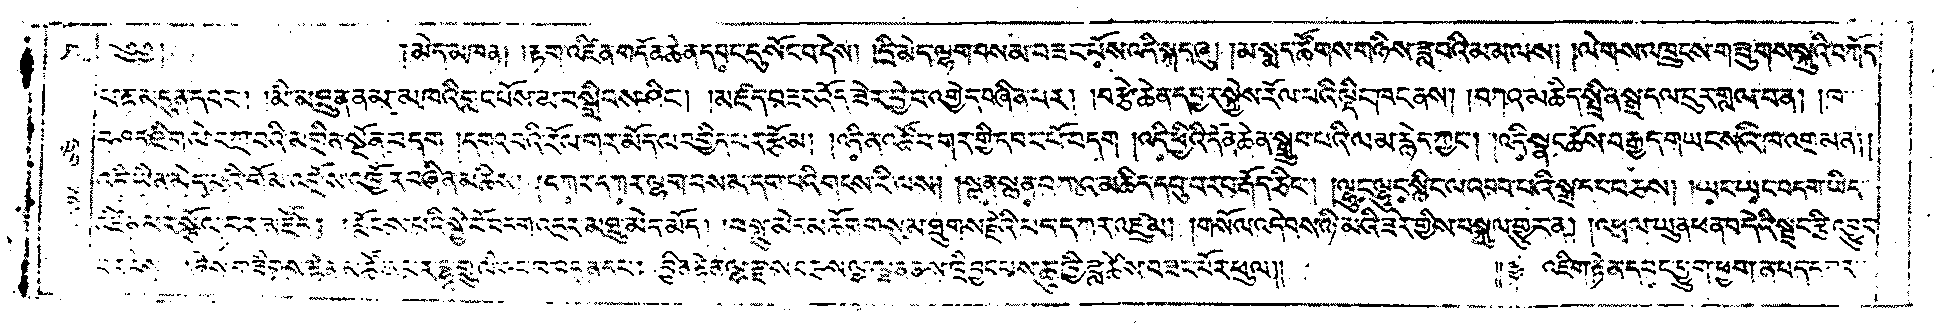༄༅། །མེད་མཁན། །རྟག་འཛིན་གདོན་ཆེན་དབང྾་དུ་སོང་བ་དེས། །དྲི་མེད་ལྷག་བསམ་བཟང་པོས྾་འདི་སྐད་ཞུ། །མ་སྨད་ཚོགས་གཉིས་ཟླ་བའི་མ་མ་ལས། །ལེགས་འཁྲུངས་གཟུགས་སྐུའི་བཀོད་
པ་རྟ་མདུན་དབང་། །མི་མཐུན་ནམ་མཁའི་གླང་པོས་མ་བསྒྲིབས་ཤིང་། །མཛད་བཟང་འོད་ཟེར་བྱེ་བ་འགྱེད་བཞིན་པར། །བརྩེ་ཆེན་དབྱར་སྐྱེས་རོལ་པའི་ལྡིང་ཁང་ནས། །བཀའ་མཆིད་སྤྲིན་སྒྲ་དལ་བུར་གླལ་བ་ན། །ཁ་
བཤད་ཐིག་ལེ་བཀྲ་བའི་མགྲིན་སྔོན་བདག །དགའ་བའི་རོལ་གར་མོད་ལ་བགྱིད་པར་རྩོམ། །འདི྾་ན་འཚོ་བ་གར་གྱི་དབང་པོ་བདག །འདི྾་ཕྱིའི་དོན་ཆེན་སྒྲུབ་པའི་ལམ་རྙེད་ཀྱང་། །འདི྾་སྣང་ཆོས་བརྒྱད་གཡང་སའི་ཁ་འགྲམ་ན། །
འདི྾་ཡིན་མེད་པའི་གོམ་འགྲོས་འཁྱོར་བཞིན་མཆིས། །དཀར྾་དཀར྾་ལྷག་བསམ་དག་པའི་གངས་རི་ལས། །སྙན྾་སྙན྾་བཀའ་མཆིད་དབུ་བ་རབ་རྒོད་ཅིང་། །ལྷུང྾་ལྷུང྾་སྙིང་ལ་འབབ་པའི་སྒྲ་དང་བཅས། །ཡང྾་ཡང྾་བདག་ཡིད་
འཛིན་མར་སྩོལ་བར་མཛོད། །རྨོངས་པའི་སྐྱེ་བོ་བདག་འདྲར་མཐུ་མེད་མོད། །བསླུ་མེད་མཆོག་གསུམ་ཐུགས་རྗེའི་པད་དཀར་འཛུམ། །གསོལ་འདེབས་ཉི་མའི་ཟེར་གྱིས་བསྐུལ་གྱུར་ན། །འཕྲལ་ཡུན་ཕན་བདེའི་སྦྲང་རྩི་འབྱུང་
བར་ངེས། །ཞེས་གཟིགས་རྟེན་མཚོན་པར་དྷཱ་གྲུ་ལི་ཧང་ཁ་བདུན་དང་། བྱིན་རྟེན་ལྷ་རྫས་བཅས་ལྷ་ལྡན་ནས་ཁྲི་བྱང་པས་ཆུ་ཁྱི་ཟླ་ཚེས་བཟང་པོར་ཕུལ།། །། ༈ འཇིག་རྟེན་དབང྾་ཕྱུག་ཕྱག་ན་པད་དཀར་